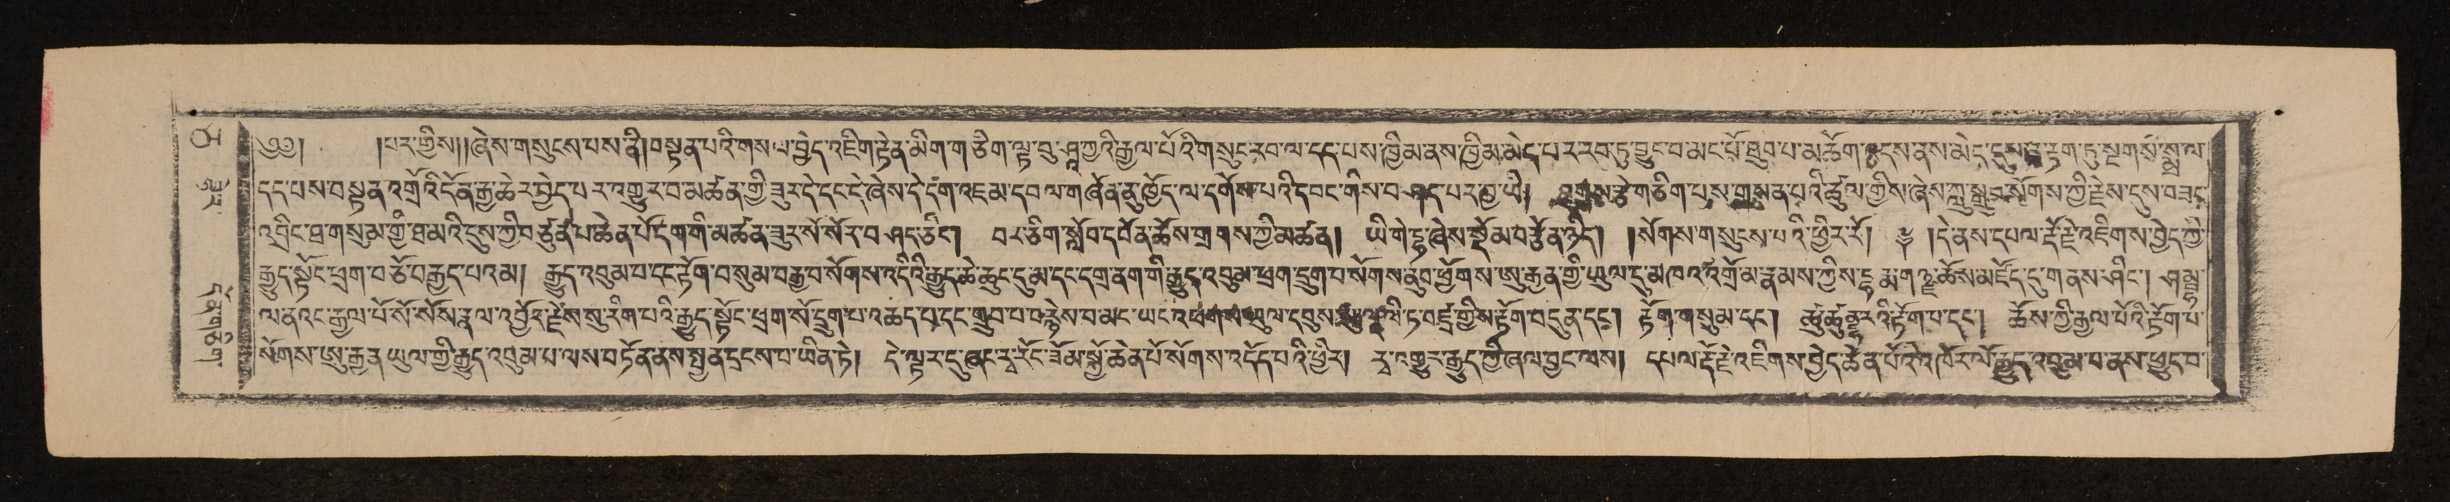༄༅། །བར་གྱིས། །ཞེས་གསུངས་པས་ནི། བསྟན་པའི་གསལ་བྱེད་འཇིག་རྟེན་མིག་གཅིག་ལྟ་བུ་ཤཱཀྱའི་རྒྱལ་པོའི་གསུང་རབ་ལ་དད་པས་ཁྱིམ་ནས་ཁྱིམ་མེད་པར་རབ་ཏུ་བྱུང་བ་མང་པོ་ཐུབ་པ་མཆོག་འདས་ནས་མེད་དུས་ན་རྟག་ཏུ་སྔགས་སྨྲ་ལ་
དད་པས་བསྟན་འགྲོའི་དོན་རྒྱ་ཆེར་བྱེད་པར་འགྱུར་བ་མཚན་གྱི་ཟུར་དེ་དང་དེ་ཞེས་དེ་དག་འཇམ་དཔལ་གཞོན་ནུ་ཁྱོད་ལ་དགོས་པའི་དབང་གིས་བཤད་པར་བྱ་ཡི། ཐུགས་རྩེ་གཅིག་པས་གསན་པའི་ཚུལ་གྱིས་ཞེས་ཀླུ་སྒྲུབ་སོགས་ཀྱི་རྗེས་དུས་བཟང་
འབྲིང་ཐ་གསུམ་གྱི་ཐ་མའི་དུས་ཀྱི་བཙུན་པ་ཆེན་པོ་དག་གི་མཚན་ཟུར་སོ་སོར་བཤད་ཅིང་། བར་ཅིག་སློབ་དཔོན་ཆོས་གྲགས་ཀྱི་མཚན། ཡི་གེ་དྷ་ཞེས་སྡོམ་བརྩོན་ཉིད། །སོགས་གསུངས་པའི་ཕྱིར་རོ། ༈ །དེ་ནས་དཔལ་རྡོ་རྗེ་འཇིགས་བྱེད་ཀྱི་
རྒྱུད་སྟོང་ཕྲག་བཅོ་བརྒྱད་པའམ། རྒྱུད་འབུམ་པ་དང་རྟོག་པ་སུམ་བརྒྱ་པ་སོགས་འདིའི་རྒྱུད་ཆེ་ཆུང་དུ་མ་དང་དགྲ་ནག་གི་རྒྱུད་འབུམ་ཕྲག་དྲུག་པ་སོགས་ནུབ་ཕྱོགས་ཨུ་རྒྱན་གྱི་ཡུལ་དུ་མཁའ་འགྲོ་མ་རྣམས་ཀྱིས་དྷརྨ་གཉྫ་ཆོས་མཛོད་དུ་གནས་ཤིང་། ཤམྦྷ་
ལ་ནའང་རྒྱལ་པོ་སོ་སོས་རྣལ་འབྱོར་རྗེས་སུ་རིག་པའི་རྒྱུད་སྟོང་ཕྲག་སོ་དྲུག་པ་འཆད་པ་དང་གྲུབ་པ་བརྙེས་པ་མང་ཡང་འཕགས་ཡུལ་དབུས་སུ་ལཱ་ལི་ཏ་བཛྲ་གྱིས་རྟོག་བདུན་དང་། རྟོག་གསུམ་དང་། ཚུ་ཚུནྡྷ་རའི་རྟོག་པ་དང་། ཆོས་ཀྱི་རྒྱལ་པོའི་རྟོག་པ་
སོགས་ཨུ་རྒྱན་ཡུལ་གྱི་རྒྱུད་འབུམ་པ་ལས་བཏོན་ནས་སྤྱན་དྲངས་པ་ཡིན་ཏེ། དེ་ལྟར་དུ་ཞང་རྭ་རོང་ཟོམ་སྐྱོ་ཆེན་པོ་སོགས་འདོད་པའི་ཕྱིར། རྭ་འགྱུར་རྒྱུད་ཀྱི་ཞལ་བྱང་ལས། དཔལ་རྡོ་རྗེ་འཇིགས་བྱེད་ཆེན་པོའི་འཁོར་ལོ་རྒྱུད་འབུམ་པ་ནས་ཕྱུང་བ་